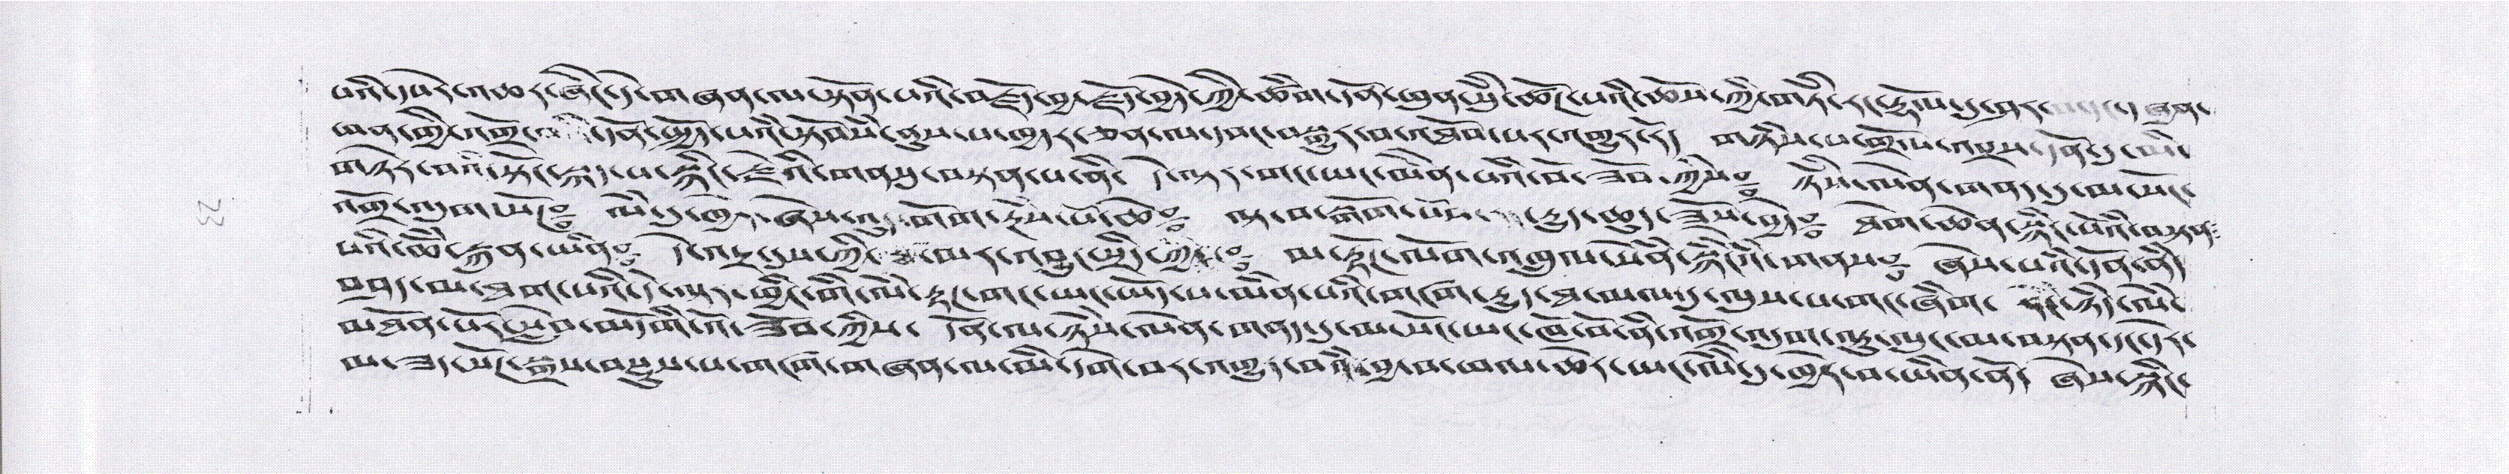པའི་དཔེར་འཆར་ཞིང་། དེ་གཞན་ལ་སྟོན་པའི་བརྗོད་བྱ་རྗོད་བྱེད་ཀྱི་ཚིག་དོན་ཕུན་སུམ་ཚོགས་པའི་ཆོས་ཀྱི་གཏམ་རང་རྡོལ་དུ་ཤར་བ་དང་། གཞན་
ཕན་གྱི་འགྲོ་བའི་དོན་སྤྱོད་པའི་སྟོབས་སམ་ནུས་པ་ཁྱད་པར་ཅན་ལ་དབང་སྒྱུར་པ་འཐོབ་པར་འགྱུར་རོ། གཉིས་པ་གྲོལ་འབྲས་དོན་དུ་མི་
གཉེར་བའི་སྟོང་སྐད་པ་སྙིང་རྗེའི་གནས་སུ་བསྟན་པ་ནི། དེ་ལྟར་གང་ཡང་མིན་པའི་བོ་ཟོབ་ཀྱིསཿ ཉམས་ལེན་གནད་དུ་མ་སོང་
འགྲོ་འདུག་སོགསཿ ལམ་དུ་ཁྱེར་ཞེས་འུད་གོག་རྔམས་པོ་ཆེཿ ལྟ་བ་རྒོག་པོས་རང་རྒྱུད་ཆུད་ཟོས་བྱེདཿ ཐེག་ཆེན་སྙིང་པོའི་བསྟན་
པའི་ཆོམ་རྐུན་ཡིནཿ དེ་འདྲ་དུས་ཀྱི་ཐ་མར་འབྱུང་སྲིད་ཀྱངཿ མ་རྟོགས་ལོག་འཁྲུལ་སེམས་ཅན་སྙིང་རྗེའི་གནསཿ ཞེས་པའི་དོན་ནི་
བཤད་པ་མ་ཐག་པའི་དེ་ལྟར་ཕྱི་ནང་གི་ལམ་རྟགས་གང་ཡང་ཡོད་པ་མིན་པའི་གང་ཟག་རྒྱུད་ཐ་མལ་དུ་ལུས་པ་གང་ཞིག རང་ཉིད་ལམ་
མཐོན་པོར་སླེབས་ཡོད་མདོག་གི་འོ་ཟོབ་ཀྱིས། དོན་ལ་ཉམས་ལེན་གནད་དུ་མ་སོང་ཡང་ཁོ་བོ་ནི་འགྲོ་འདུག་ལྟ་བུ་ནི་ལུང་མ་བསྟན་དང་དེར་
མ་ཟད་སོགས་སྒྲས་བསྡུས་པ་གང་ཟག་གཞན་ལ་མི་དགེ་བར་འགྱུར་བའི་བྱ་བ་ཕལ་ཆེར་ཡང་ལམ་དུ་ཁྱེར་བ་ཡིན་ནོ། ཞེས་སྙིང་